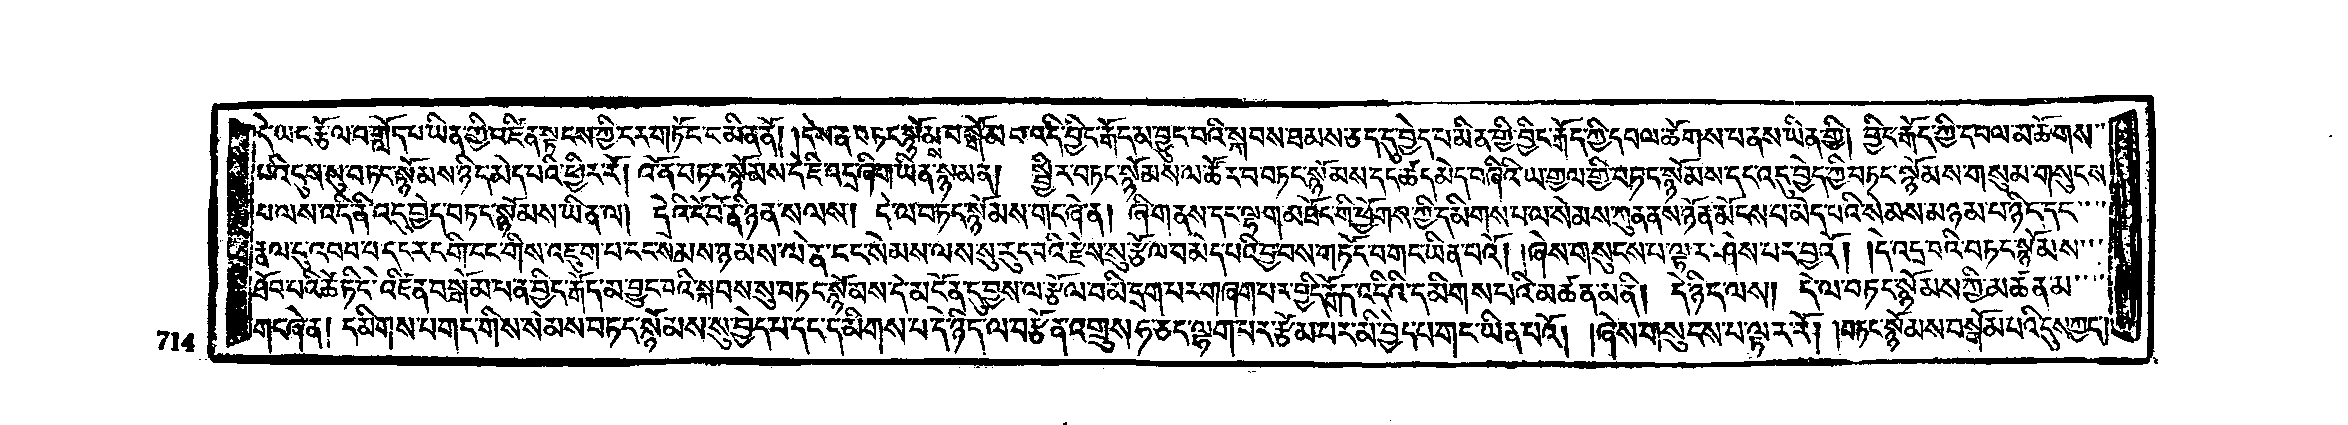དེ་ཡང་རྩོལ་བ་གློད་པ་ཡིན་གྱི་འཛིན་སྟངས་ཀྱི་ངར་གཏོང་བ་མིན་ནོ། །དེས་ན་བཏང་སྙོམས་བསྒོམ་པ་འདི་བྱིང་རྒོད་མ་བྱུང་བའི་སྐབས་ཐམས་ཅད་དུ་བྱེད་པ་མིན་གྱི་བྱིང་རྒོད་ཀྱི་དབལ་ཆོགས་པ་ནས་ཡིན་གྱི། བྱིང་རྒོད་ཀྱི་དབལ་མ་ཆོགས་
པའི་དུས་སུ་བཏང་སྙོམས་ཉིད་མེད་པའི་ཕྱིར་རོ། །འོ་ན་བཏང་སྙོམས་དེ་ཇི་འདྲ་ཞིག་ཡིན་སྙམ་ན། སྤྱིར་བཏང་སྙོམས་ལ་ཚོར་བ་བཏང་སྙོམས་དང་ཚད་མེད་བཞིའི་ཡ་གྱལ་གྱི་བཏང་སྙོམས་དང་འདུ་བྱེད་ཀྱི་བཏང་སྙོམས་གསུམ་གསུངས་
པ་ལས་འདི་ནི་འདུ་བྱེད་བཏང་སྙོམས་ཡིན་ལ། དེའི་ངོ་བོ་ནི་ཉན་ས་ལས། དེ་ལ་བཏང་སྙོམས་གང་ཞེ་ན། ཞི་གནས་དང་ལྷག་མྟོང་གི་ཕྱོགས་ཀྱི་དམིགས་པ་ལ་སེམས་ཀུན་ནས་ཉོན་མོངས་པ་མེད་པའི་སེམས་མཉམ་པ་ཉིད་དང་
རྣལ་དུ་འབབ་པ་དང་རང་གི་ངང་གིས་འཇུག་པ་དང་སེམས་ཉམས་བདེ་བ་དང་སེམས་ལས་སུ་རུང་བའི་རྗེས་སུ་རྩོལ་བ་མེད་པའི་བྱ་བས་གཏོང་བ་གང་ཡིན་པའོ། །ཞེས་གསུངས་པ་ལྟར་ཤེས་པར་བྱའོ། །དེ་འདྲ་བའི་བཏང་སྙོམས་
ཐོབ་པའི་ཚེ་ཏིང་ངེ་འཛིན་བསྒོམ་པ་ན་བྱིང་རྒོད་མ་བྱུང་བའི་སྐབས་སུ་བཏང་སྙོམས་དེ་མངོན་དུ་བྱས་ལ་རྩོལ་བ་མི་དྲག་པར་གཞག་པར་བྱའོ། །འདིའི་དམིགས་པའི་མཚན་མ་ནི། དེ་ཉིད་ལས། དེ་ལ་བཏང་སྙོམས་ཀྱི་མཚན་མ་
གང་ཞེ་ན། དམིགས་པ་གང་གིས་སེམས་བཏང་སྙོམས་སུ་བྱེད་པ་དང་དམིགས་པ་དེ་ཉིད་ལ་བརྩོན་འགྲུས་ཧ་ཅང་ལྷག་པར་རྩོམ་པར་མི་བྱེད་པ་གང་ཡིན་པའོ། །ཞེས་གསུངས་པ་ལྟར་རོ། །བཏང་སྙོམས་བསྒོམ་པའི་དུས་ཀྱང་།